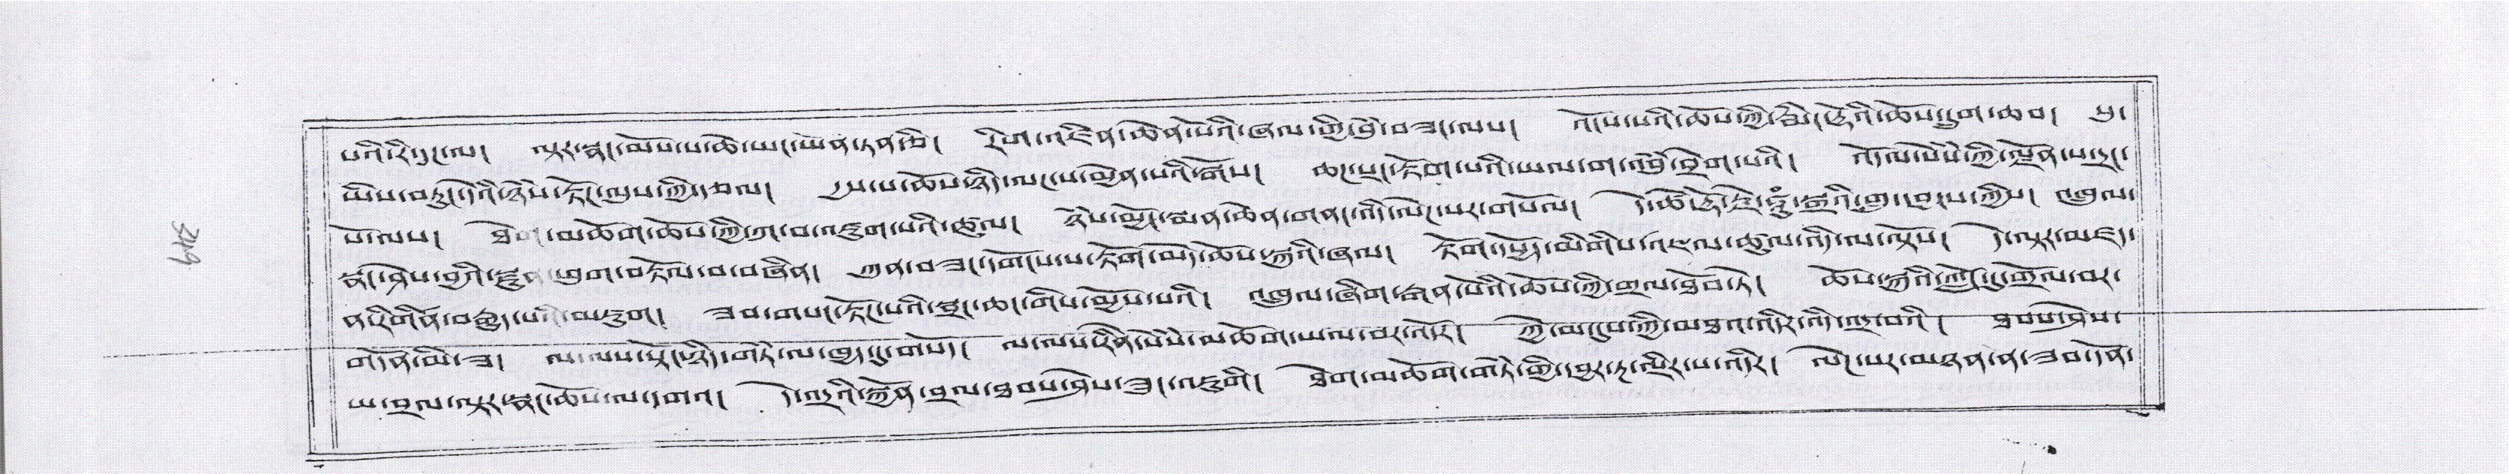པའི་རི་དུང་ལ། ལྟར་སྣང་མོས་པ་ཆེ་ཡང་ཡོན་ཏན་ཅི། རིག་འཛིན་ཆེན་པོའི་ཞལ་གྱི་བུམ་བཟང་ལས། འོངས་པའི་ཆོས་ཀྱི་རྨིང་རྡོའི་ཆོས་དྲུག་ཆབ། སུ་
ཡིས་བཏུགས་དེའི་ཉམས་རྟོགས་ལུས་ཀྱི་རྩལ། རྒྱས་པ་ཆོས་ཉིད་ལགས་པ་མཁྱེན་པའི་སྒོས། ཆགས་སྡང་རྟོག་པའི་ཡལ་ག་འབུམ་བྲེག་པའི། འོད་གསལ་སེམས་ཀྱི་ལྗོན་པ་དྲང་
པོ་ལས། ཐེག་མཆོག་ཆོས་ཀྱི་ཀ་བ་འཇུག་པའི་ཚུལ། ཉམས་མྱོང་སྨན་ཆེན་གནང་འདི་ལེགས་པར་གསོལ། དེ་ཚེ་རྡོ་རྗེ་ཧཱུཾ་སྒྲའི་གླུ་དབྱངས་ཀྱིས། འཁྲུལ་
སྣང་ཤེས་བྱའི་རྫུན་ཕུག་བརྟོལ་བ་བཞིན། ཀུན་བཟང་དགོངས་པ་རྟོག་མེད་ཆོས་སྐུའི་ཞལ། རྟོག་དཔྱོད་མིག་གིས་འཇལ་ཚུལ་འདི་ལ་ལྟོས། དེ་ལྟར་མཛད་
ན་རིག་འཛིན་བརྒྱུད་པའི་མཇུག ཟབ་གསང་རྟོགས་པའི་སྦྲང་ཆང་གིས་མྱོས་པའི། འཁྲུལ་ཞིག་རྒན་པོའི་ཆོས་ཀྱི་གྲལ་ཐོབ་ཏེ། ཆོས་སྐུའི་ཀློང་དུ་གྲོལ་བར་
གདོན་མི་ཟ། ལ་ལས་སྟོང་ཉིད་གཏམ་ལ་ཁྱད་དུ་གསོད། ལ་ལས་རིན་ཆེན་སེམས་མཆོག་ཡལ་བར་འདོར། ཀྱེ་མ་དུས་ཀྱི་མཐའ་འདིར་འདི་འདྲ་བའི། ཐབས་ཤེས་
ཡ་བྲལ་ལྟར་སྣང་ཆོས་ལ་དགའ། དེ་འདྲའི་སྐྱོན་བྲལ་ཐབས་ཤེས་ཟུང་འཇུག་གི། ཐེག་མཆོག་གཏམ་གྱི་དབྱར་རྔ་ལྡིར་བ་འདིར། ལེགས་པར་མཉན་ན་ཟབ་དོན་